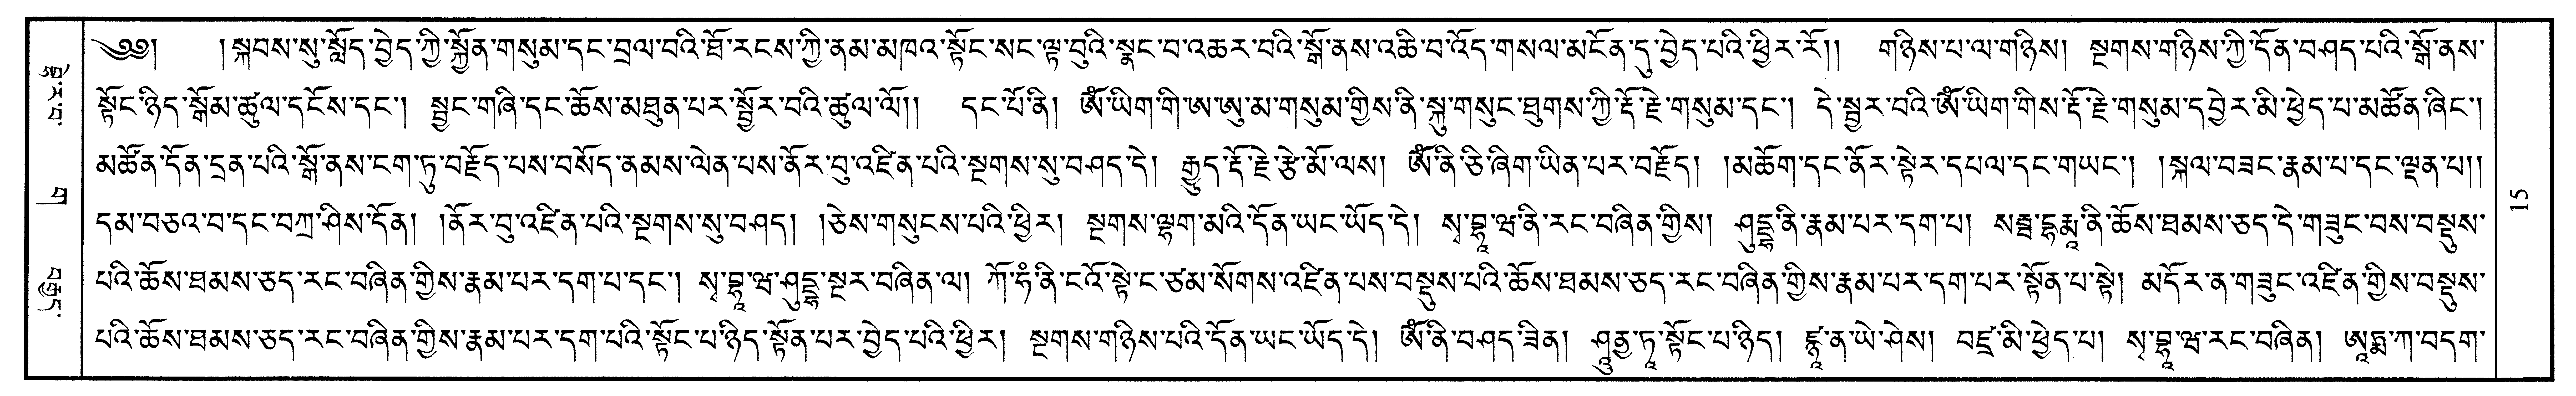༄༅། །སྐབས་སུ་སློད་བྱེད་ཀྱི་སྐྱོན་གསུམ་དང་བྲལ་བའི་ཐོ་རངས་ཀྱི་ནམ་མཁའ་སྟོང་སང་ལྟ་བུའི་སྣང་བ་འཆར་བའི་སྒོ་ནས་འཆི་བ་འོད་གསལ་མངོན་དུ་བྱེད་པའི་ཕྱིར་རོ།། གཉིས་པ་ལ་གཉིས། སྔགས་གཉིས་ཀྱི་དོན་བཤད་པའི་སྒོ་ནས་
སྟོང་ཉིད་སྒོམ་ཚུལ་དངོས་དང་། སྦྱང་གཞི་དང་ཆོས་མཐུན་པར་སྦྱོར་བའི་ཚུལ་ལོ།། དང་པོ་ནི། ཨོཾ་ཡིག་གི་ཨ་ཨུ་མ་གསུམ་གྱིས་ནི་སྐུ་གསུང་ཐུགས་ཀྱི་རྡོ་རྗེ་གསུམ་དང་། དེ་སྦྱར་བའི་ཨོཾ་ཡིག་གིས་རྡོ་རྗེ་གསུམ་དབྱེར་མི་ཕྱེད་པ་མཚོན་ཞིང་།
མཚོན་དོན་དྲན་པའི་སྒོ་ནས་ངག་ཏུ་བརྗོད་པས་བསོད་ནམས་ལེན་པས་ནོར་བུ་འཛིན་པའི་སྔགས་སུ་བཤད་དེ། རྒྱུད་རྡོ་རྗེ་རྩེ་མོ་ལས། ཨོཾ་ནི་ཅི་ཞིག་ཡིན་པར་བརྗོད། །མཆོག་དང་ནོར་སྟེར་དཔལ་དང་གཡང་། །སྐལ་བཟང་རྣམ་པ་དང་ལྡན་པ།།
དམ་བཅའ་བ་དང་བཀྲ་ཤིས་དོན། །ནོར་བུ་འཛིན་པའི་སྔགས་སུ་བཤད། །ཅེས་གསུངས་པའི་ཕྱིར། སྔགས་ལྷག་མའི་དོན་ཡང་ཡོད་དེ། སྭ་བྷཱ་ཝ་ནི་རང་བཞིན་གྱིས། ཤུདྡྷ་ནི་རྣམ་པར་དག་པ། སརྦྦ་དྷརྨཱ་ནི་ཆོས་ཐམས་ཅད་དེ་གཟུང་བས་བསྡུས་
པའི་ཆོས་ཐམས་ཅད་རང་བཞིན་གྱིས་རྣམ་པར་དག་པ་དང་། སྭ་བྷཱ་ཝ་ཤུདྡྷ་སྔར་བཞིན་ལ། ཀོ་ཧཾ་ནི་ངའོ་སྟེ་ང་ཙམ་སོགས་འཛིན་པས་བསྡུས་པའི་ཆོས་ཐམས་ཅད་རང་བཞིན་གྱིས་རྣམ་པར་དག་པར་སྟོན་པ་སྟེ། མདོར་ན་གཟུང་འཛིན་གྱིས་བསྡུས་
པའི་ཆོས་ཐམས་ཅད་རང་བཞིན་གྱིས་རྣམ་པར་དག་པའི་སྟོང་པ་ཉིད་སྟོན་པར་བྱེད་པའི་ཕྱིར། སྔགས་གཉིས་པའི་དོན་ཡང་ཡོད་དེ། ཨོཾ་ནི་བཤད་ཟིན། ཤཱུནྱ་ཏཱ་སྟོང་པ་ཉིད། ཛྙཱ་ན་ཡེ་ཤེས། བཛྲ་མི་ཕྱེད་པ། སྭ་བྷཱ་ཝ་རང་བཞིན། ཨཱཏྨ་ཀ་བདག་